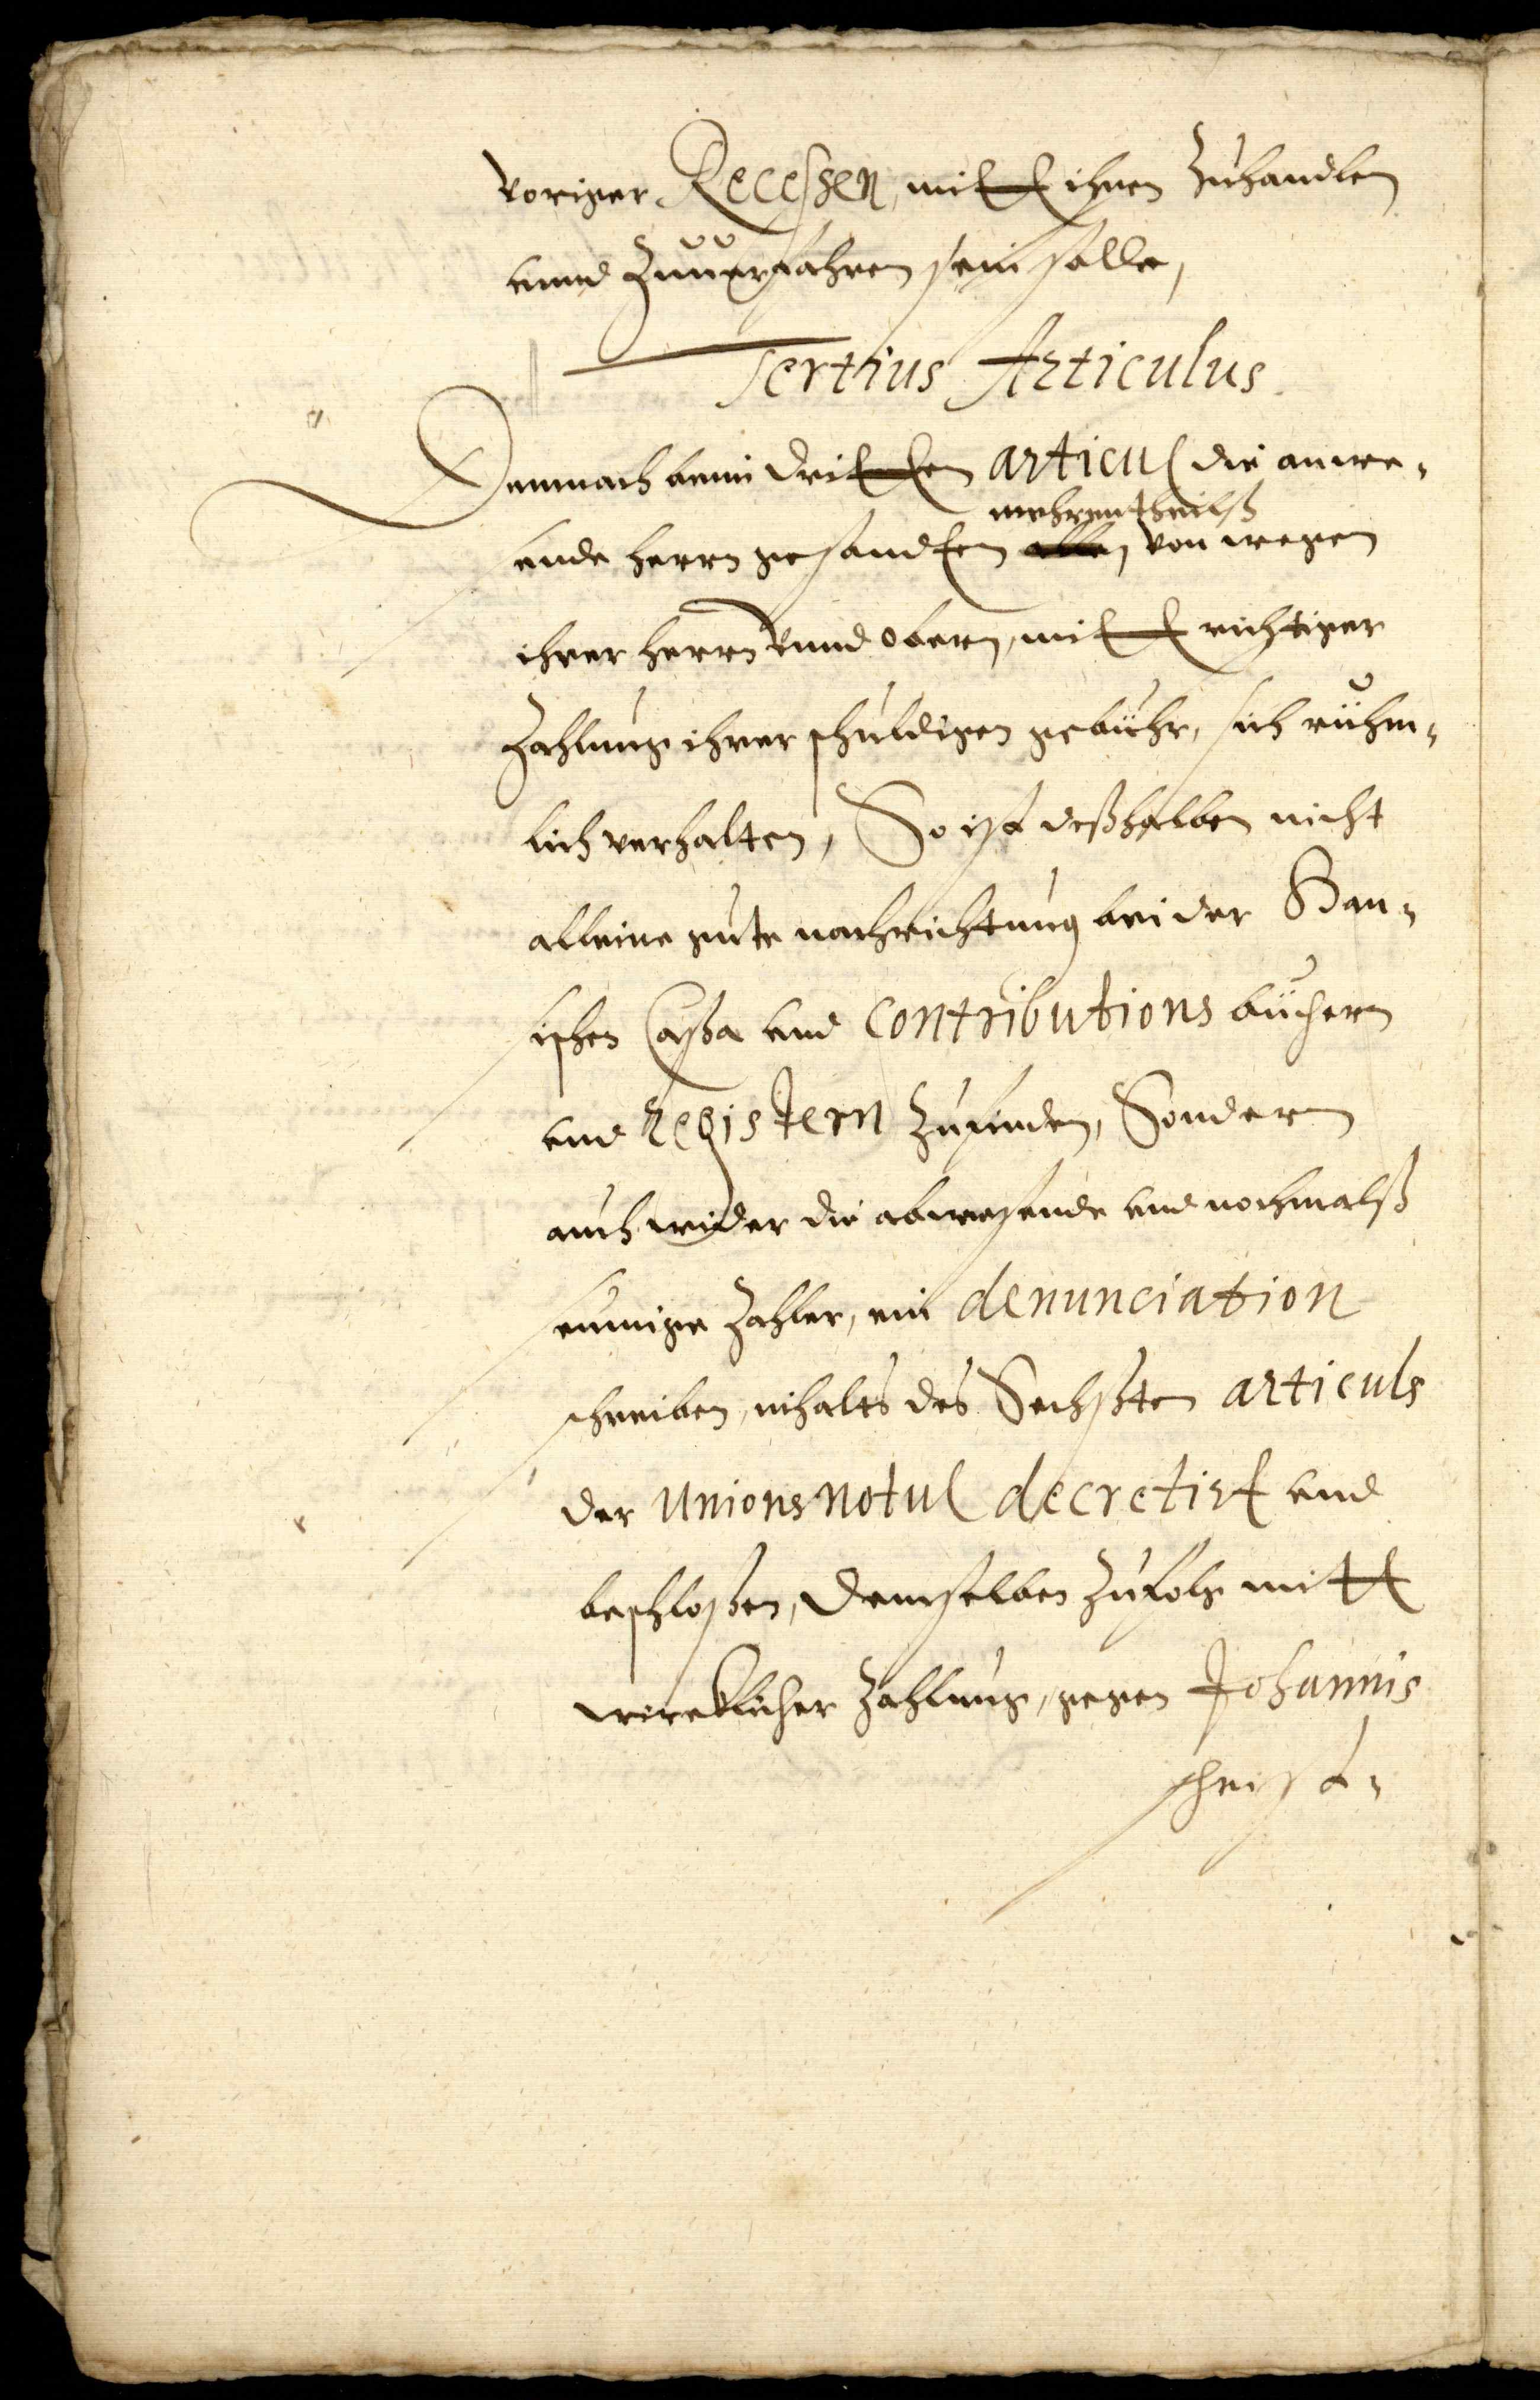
voriger Recessen, mitt ihnen Zuhandlen
vnnd Zuuerfahren sein solle,
Tertius Articulus.
Demnach beim dritten articul die anwe¬
mehrentheilß
sende herrn gesandten alle, von wegen
ihrer herrn Vnnd obern, mitt richtiger
Zahlung ihrer schuldigen gebühr, sich rühm¬
lich verhalten, So ist deßhalben nicht
alleine gute nachrichtung bei der Han¬
sischen Caßa vnd contributions büchern
vnd registern Zufinden, Sondern
auch wider die abwesende vnd nochmalß
seumige Zahler, ein denunciation
schreiben, inhalts des Sechßten articuls
der Unionsnotul decretirt vnd
beschloßen, demselben zufolge mitt
wircklicher Zahlung, gegen Johannis
schirst¬
